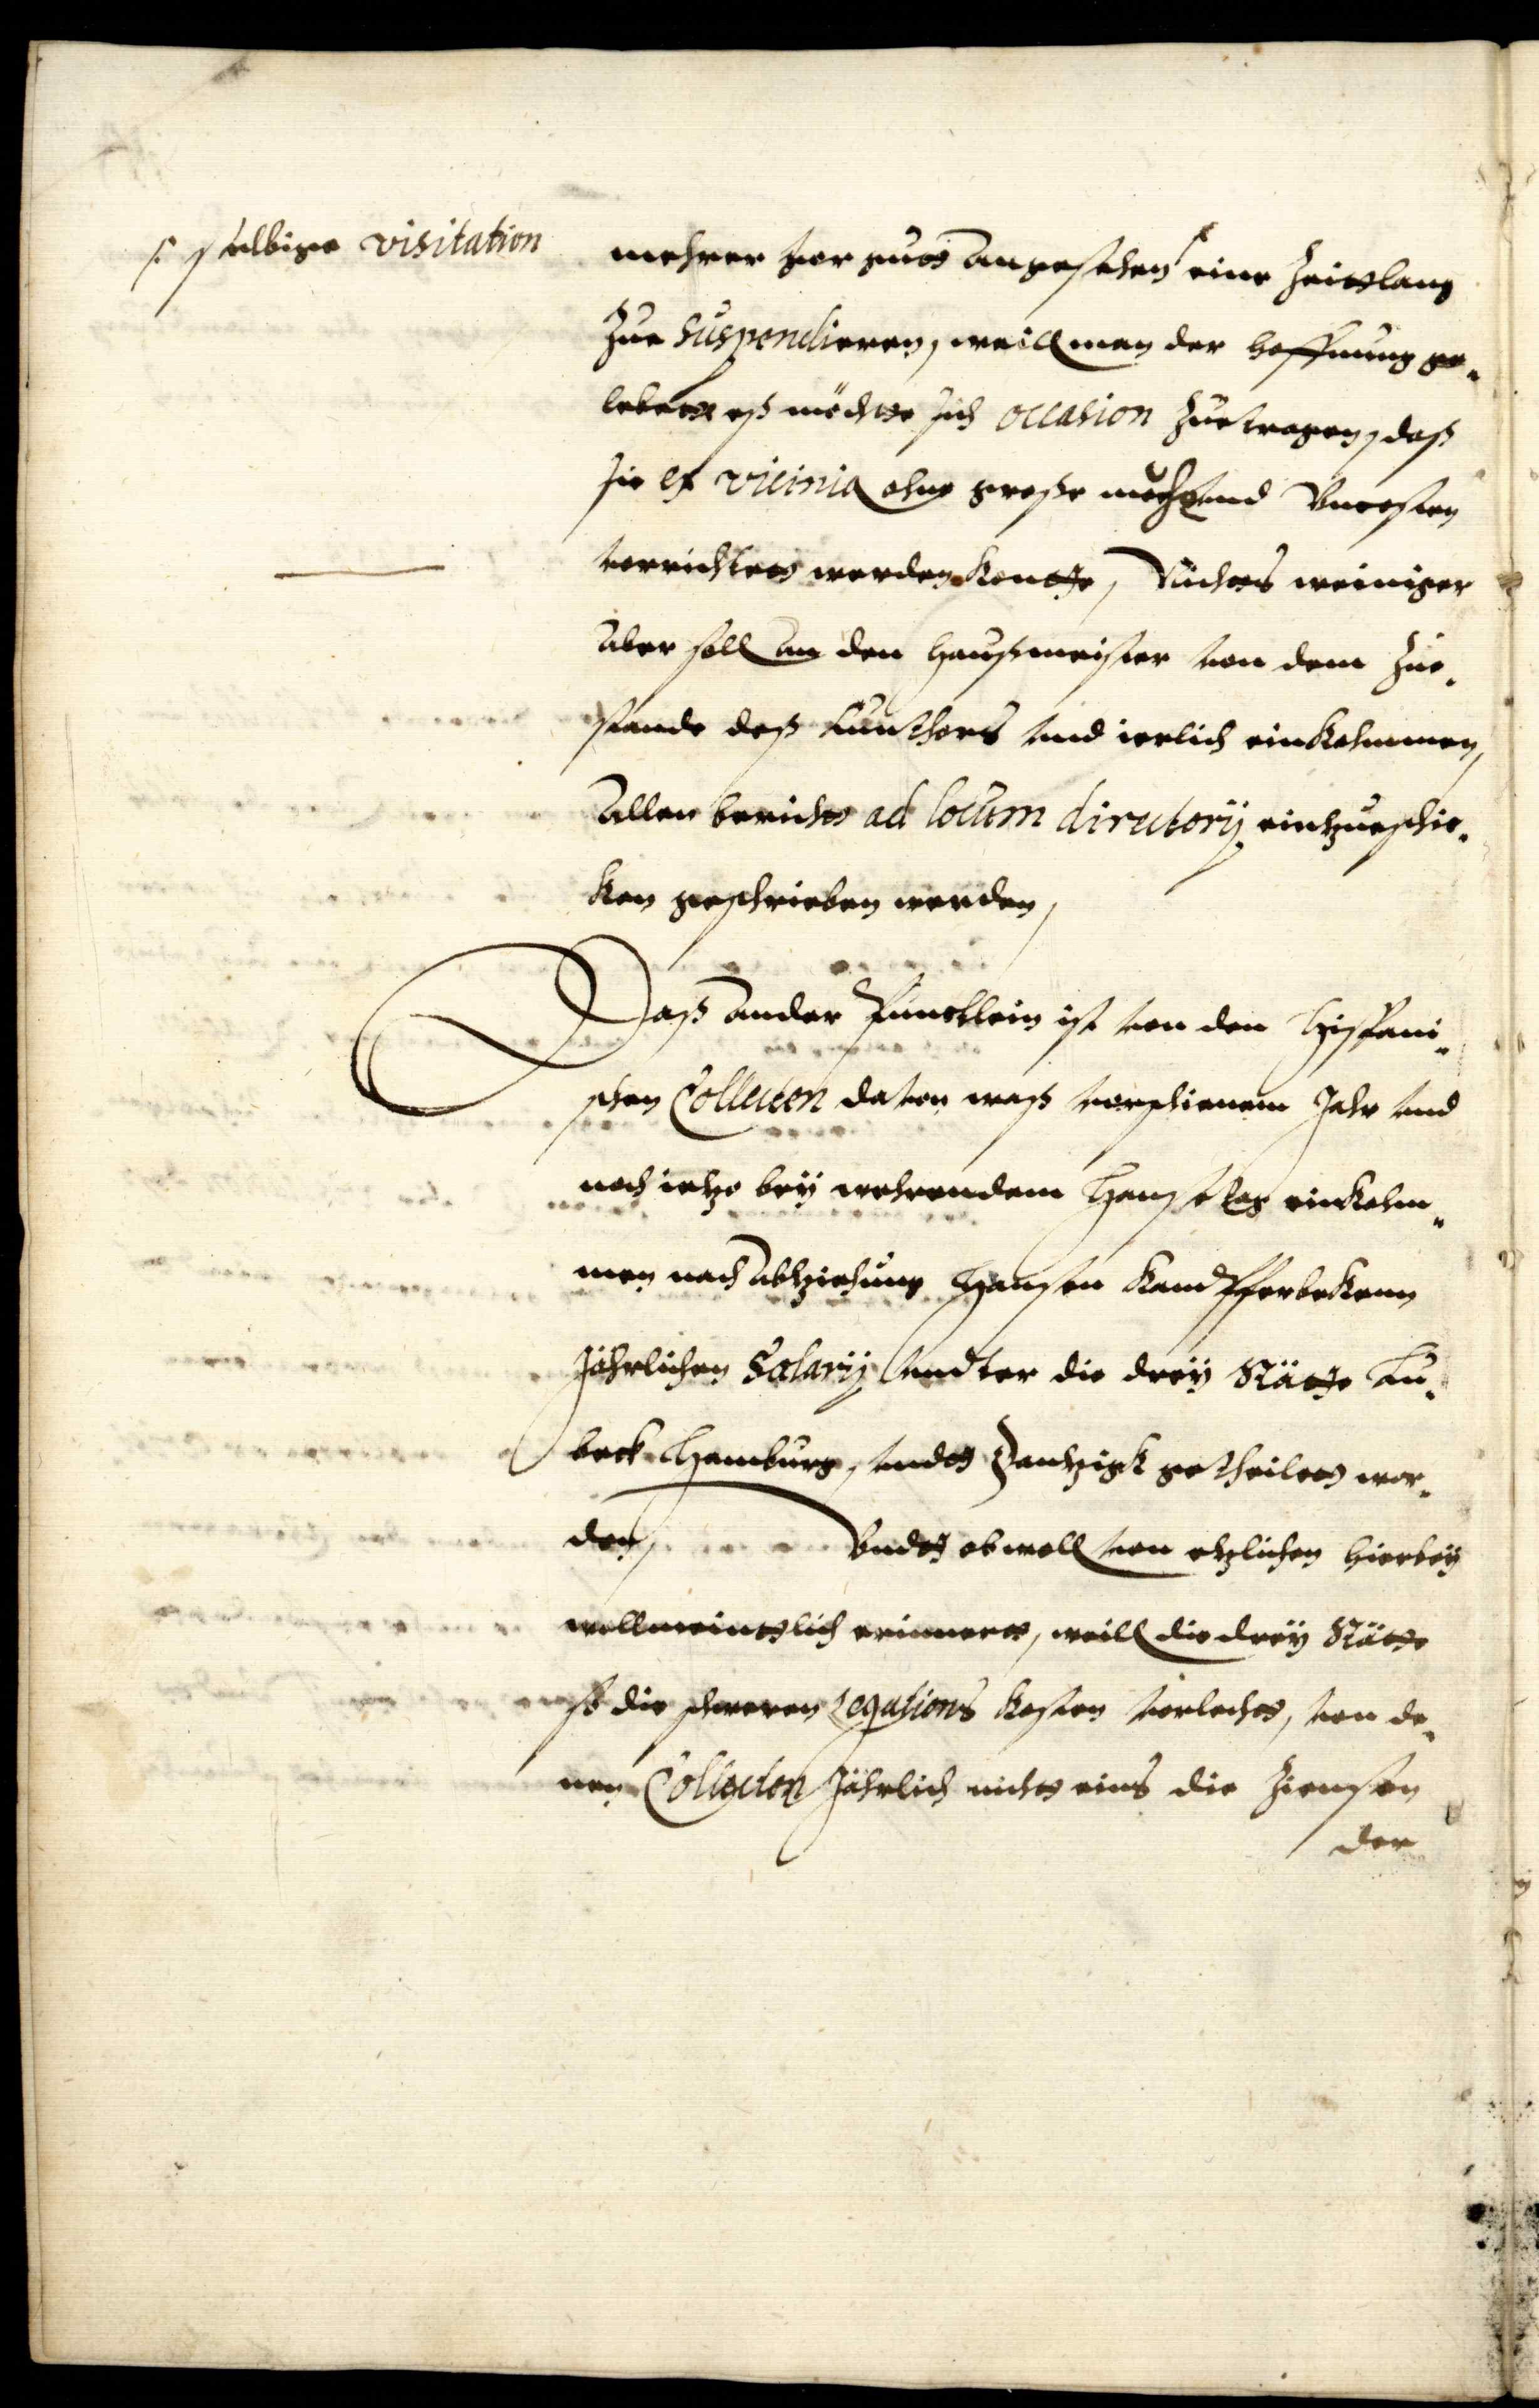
F selbige visitation
mehrer vor gutt Angesehen F eine zeittlang
zue suspendieren, weill man der hoffnung ge¬
lebett eß möchtte sich occasion zuetragen, daß
sie ex vicinia ohne große muhe vnd Vncosten
verrichtett werden kontte, Nichtts weiniger
aber soll an den Haußmeister von dem zue¬
stande deß Cunthors vnd ierlich einkahmmen,
allen berichtt ad locum directorij eintzuschic¬
ken geschrieben werden,
Daß ander Punctlein ist von den Hispani¬
schen Collecten davon waß vorschienem Iahr vnd
noch ietzo beij wehrendem Hanßetag einkohm¬
men nach abtziehung Hansen Kampfferbekenn
Jährlichen Salarij Vndter die dreij Stätte Lu¬
beck Hamburg, vndtt Dantzigk getheilett wor¬
den, Vndtt obwoll von etzlichen hierbeij
wollmeinttlich erinnertt, weill die dreij Stätte
so die schweren Legations kosten vorlechtt, von de¬
nen Collecten Jährlich nichtt eins die ziensen
der
